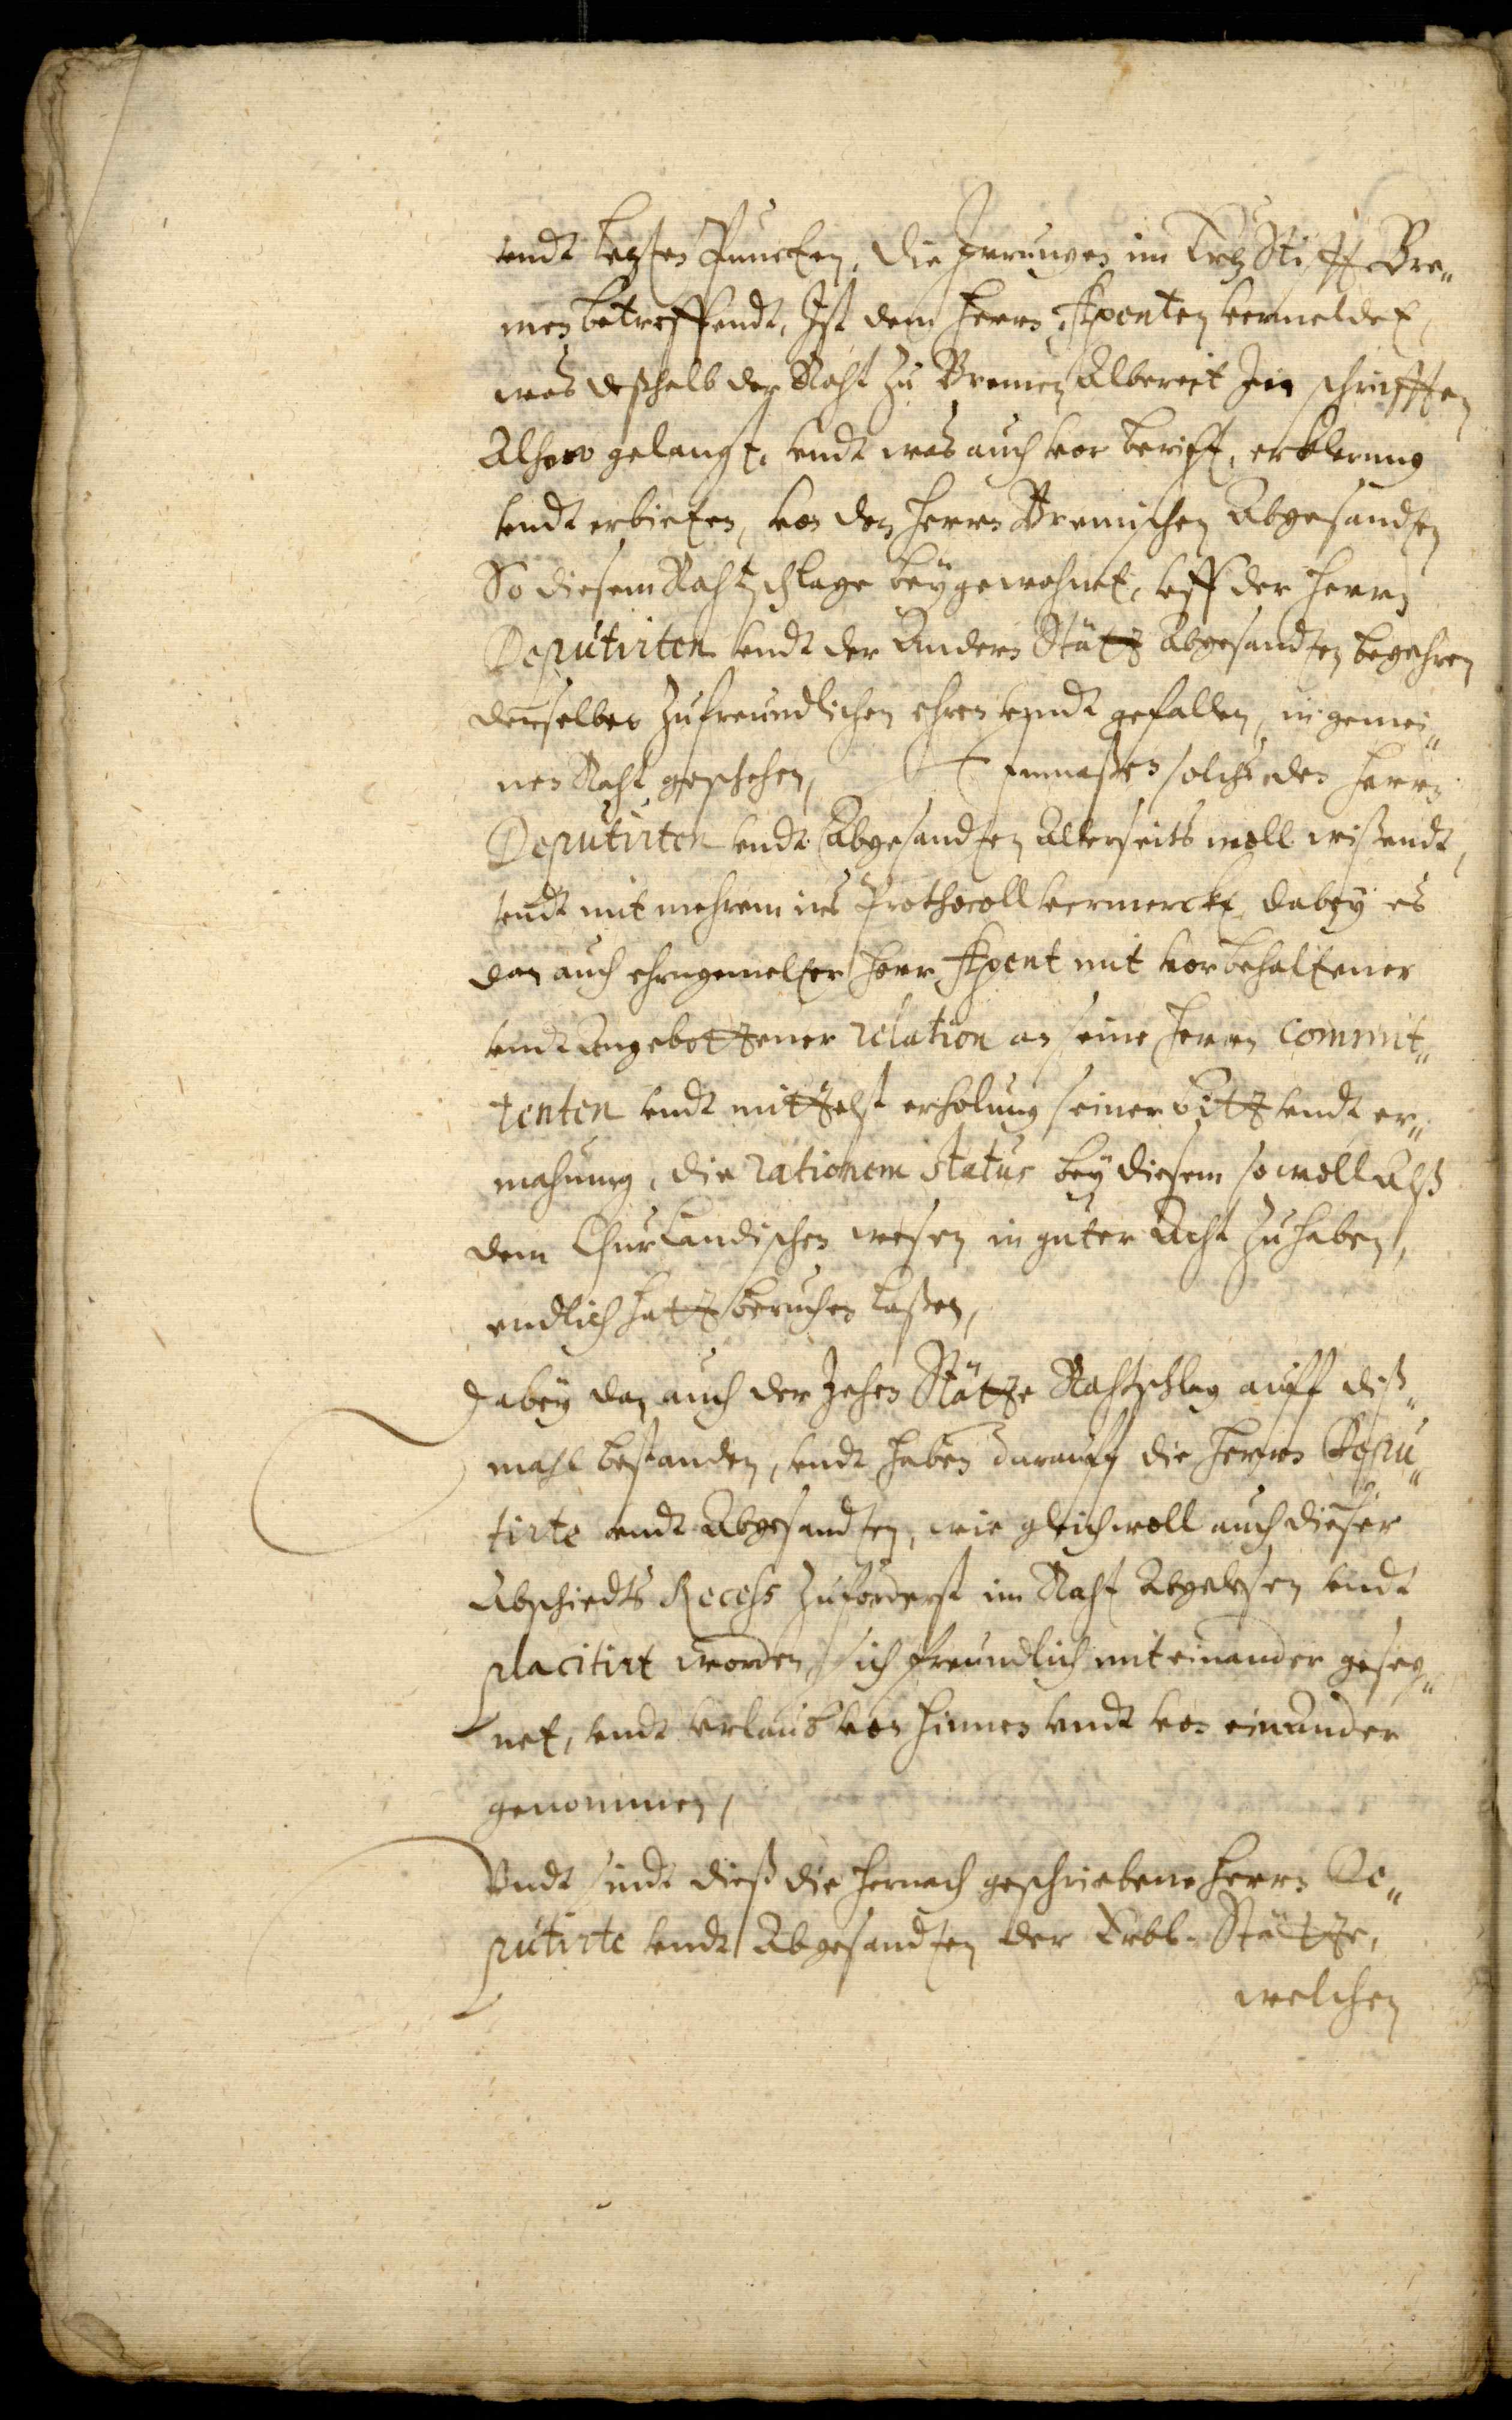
vndt Letzten Puncten, Die Irrungen im Ertz Stifft Bre¬
men betreffendt, Ist dem herrn Agenten vermeldet,
was deßhalb der Raht zu Bremen albereit ein schrifften
alhero gelangt, vndt was auch vor bericht, erklerung
vndt erbieten, von den herrn Bremischen abgesandten
So diesem Rahtschlage beijgewohnet, vff der herrn
Deputierten vndt der andern Stätt abgesandten begehren
denselber zu freundlichen ehren vnndt gefallen, in gemei¬
nen Raht geschehen, Inmaßen solchs den herrn
Deputirten vndt abgesandten allerseits woll wißendt,
vndt mit mehrem ins Prothocoll vermerckt, dabeij es
dan auch ehrngemelter herr Agent mit vorbehaltener
vndt angebottener relation an seine herrn commit¬
tenten vndt mittelst erholung seiner bitt vndt er¬
mahnung, die rationem statur beij diesem so woll alß
dem Churlandischen wesen in guter acht zu haben,
endlich hatt beruhen laßen,
Dabeij dan auch der Zehen Stätte Rahtschlag auff diß¬
mahl bestanden, vndt haben darauff die herrn Depu¬
tirte vndt abgesandten, wie gleichwoll auch dieser
abschiedts Recess zuforderst im Raht abgelesen vndt
placitirt worden, sich freundlich miteinander geseg¬
net, vndt vrlaub von hinnen vndt von einander
genommen,
Vndt sindt dieß die hernach geschriebene herrn De¬
putirte vndt abgesandten der Erbb. Stätte,
welchen
